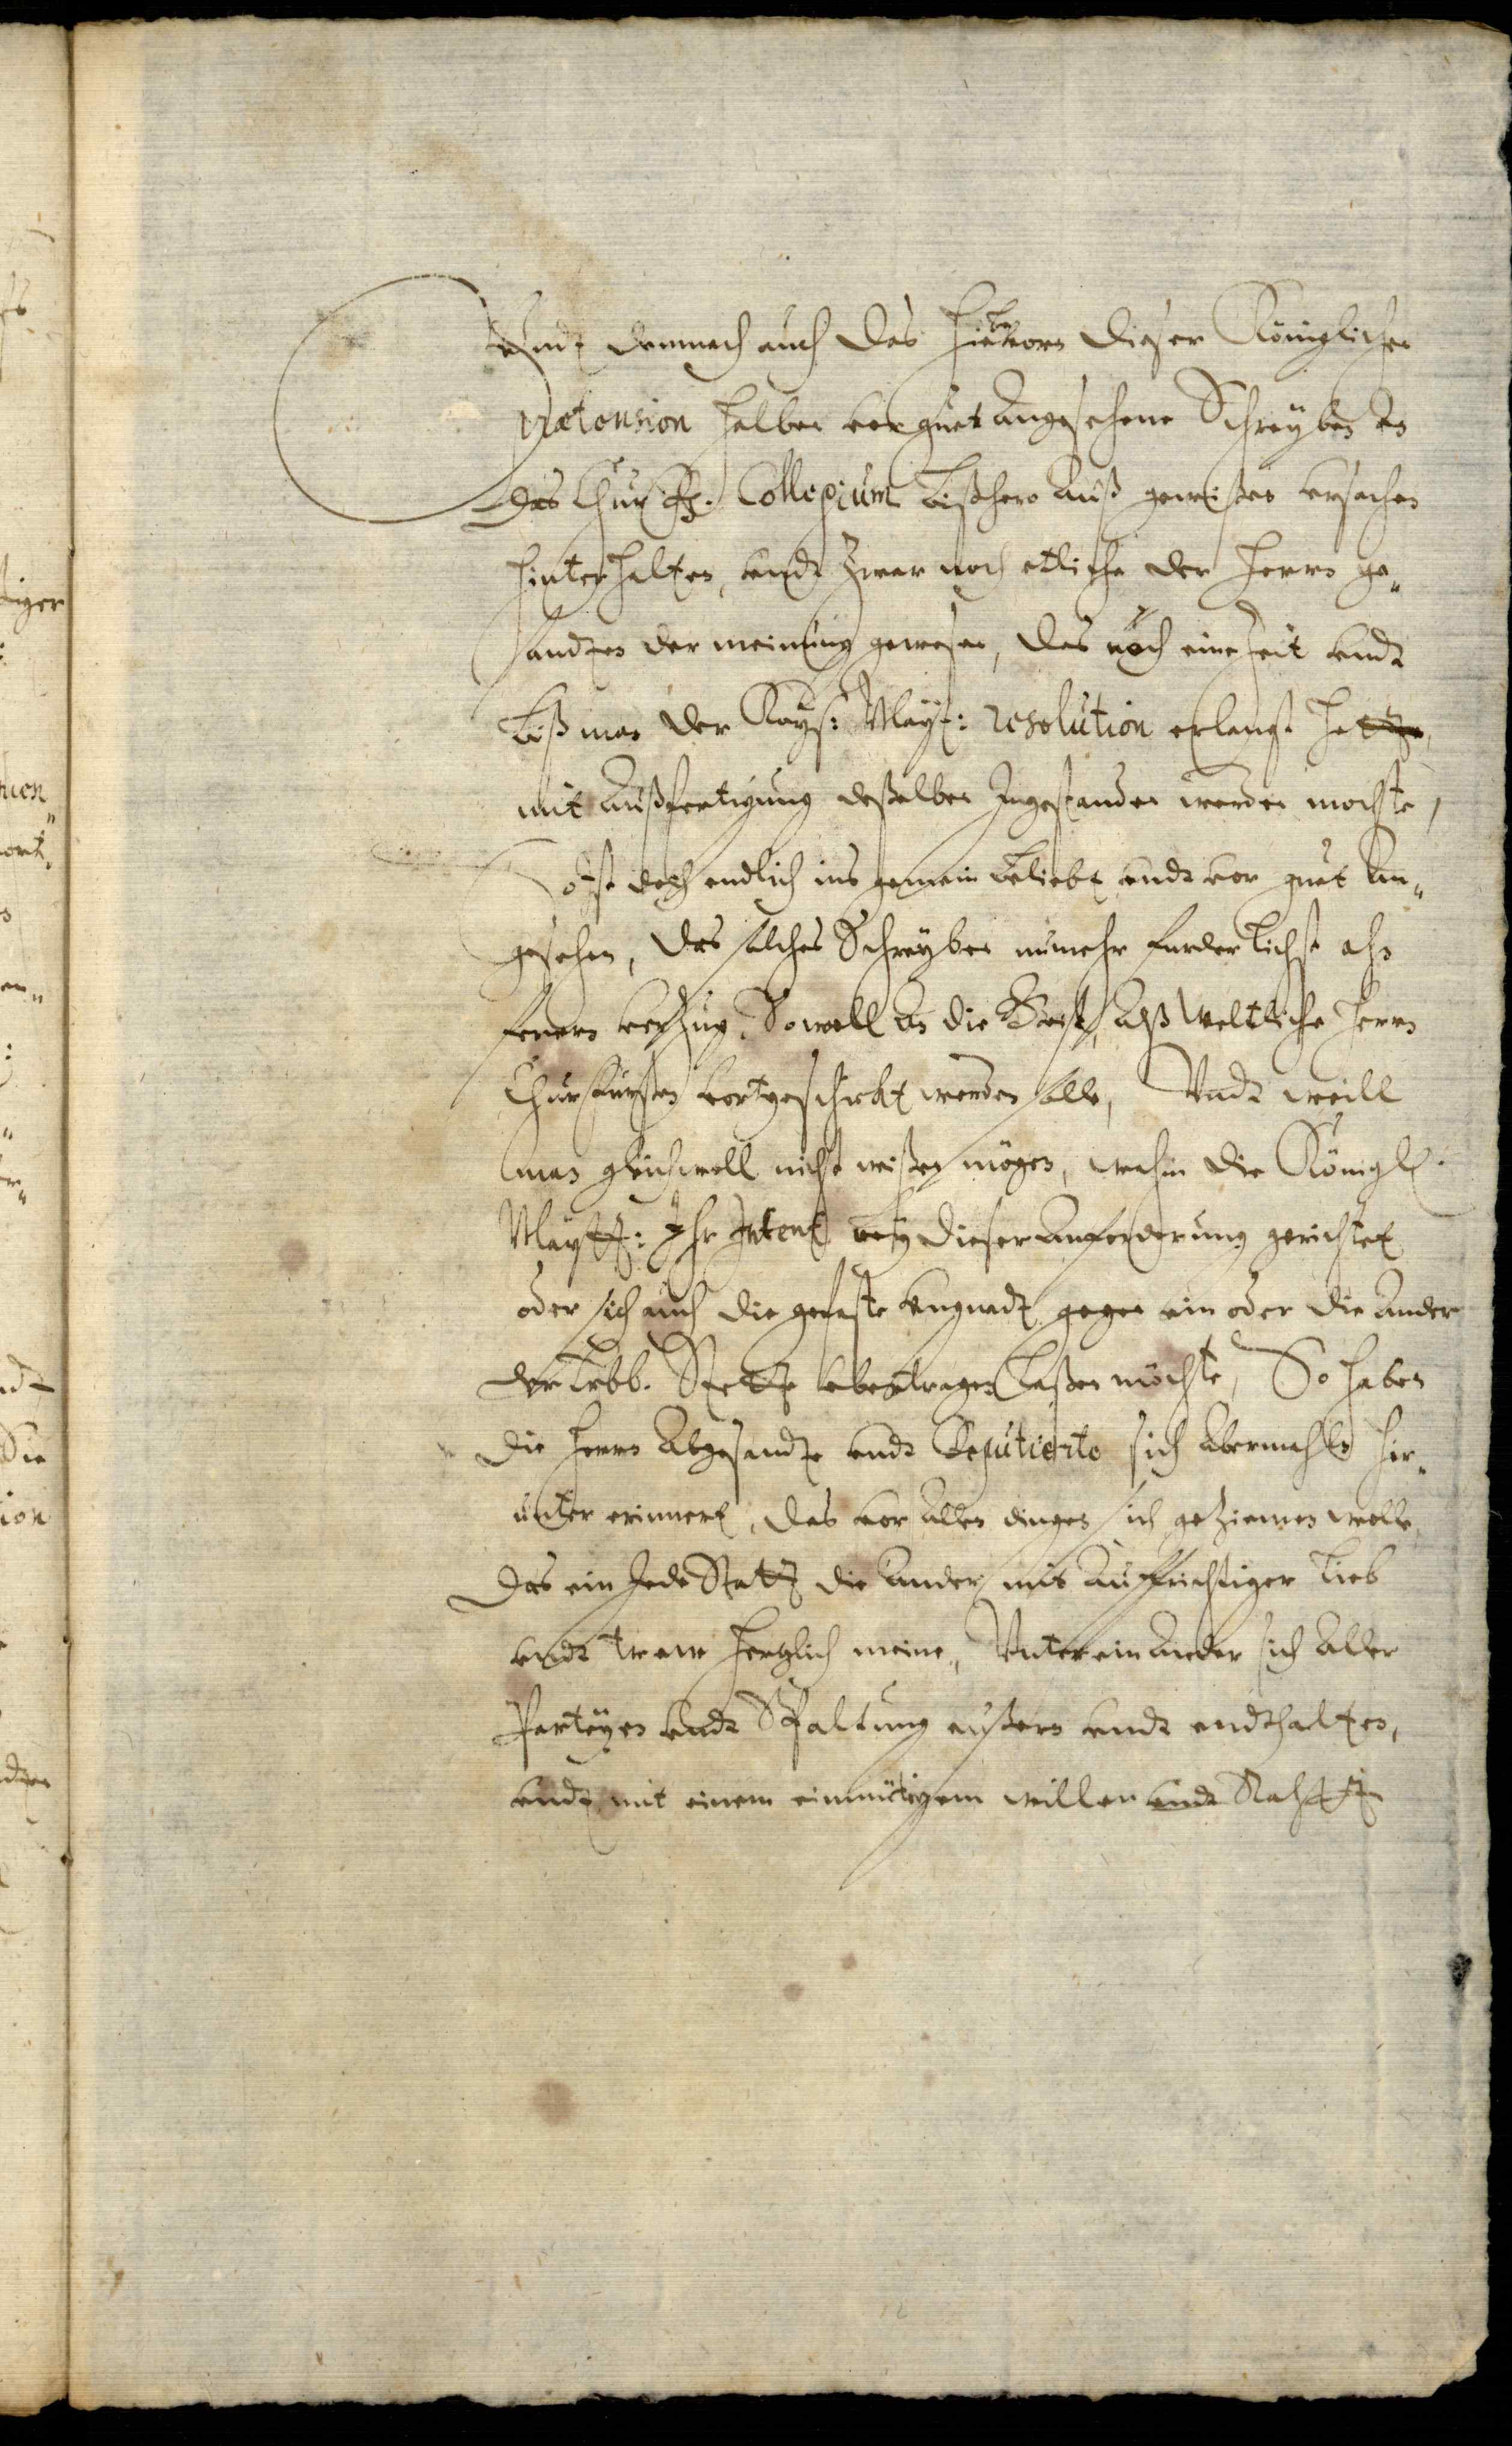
Vndt demnach auch das hiebevorn dieser Königlichen
praetension halben vor guet Angesehene Schreijben an
das Chur F. Collegium bißhero Auß gewißen vrsachen
hinter halten, vndt zwar noch etliche der Herrn ge¬
sandten der meinung gewesen, das noch eine Zeit vndt
biß man der Kays: Maijt: resolution erlangt hette,
mit Außfertigung deßelben Zugstanden werden mochte,
So Ist doch endlich ins gemein beliebt vndt vor guet An¬
gesehen, das solches Schreijben numehr furderlichst ahn
fenern verzug. So woll an die Geist, Alß Weltliche Herrn
Churfursten vortgeschickt werden solle, Vndt weill
man gleichwoll nicht wißen mögen, wehin die Königll.
Maijtt: Ihr Intent beij dieser Anforderung gerichtet
oder sich auch die gefaste vngnadt gegen ein oder die Ander
der Erbb: Stette vbertragen laßen möchte, So haben
die Herrn Abgesandte vndt Deputierte sich Abermahln hir¬
unter erinnert, das vor allen dingen sich geziemen wolle,
das ein jede Statt die Ander, mit Auffrichtiger Lieb
vndt trew hertzlich meine, Vnter ein Ander sich Aller
Parteijen vndt Spaltung eußern vndt endthalten,
vndt mit einem einmütigem willen vndt Rahtt¬
